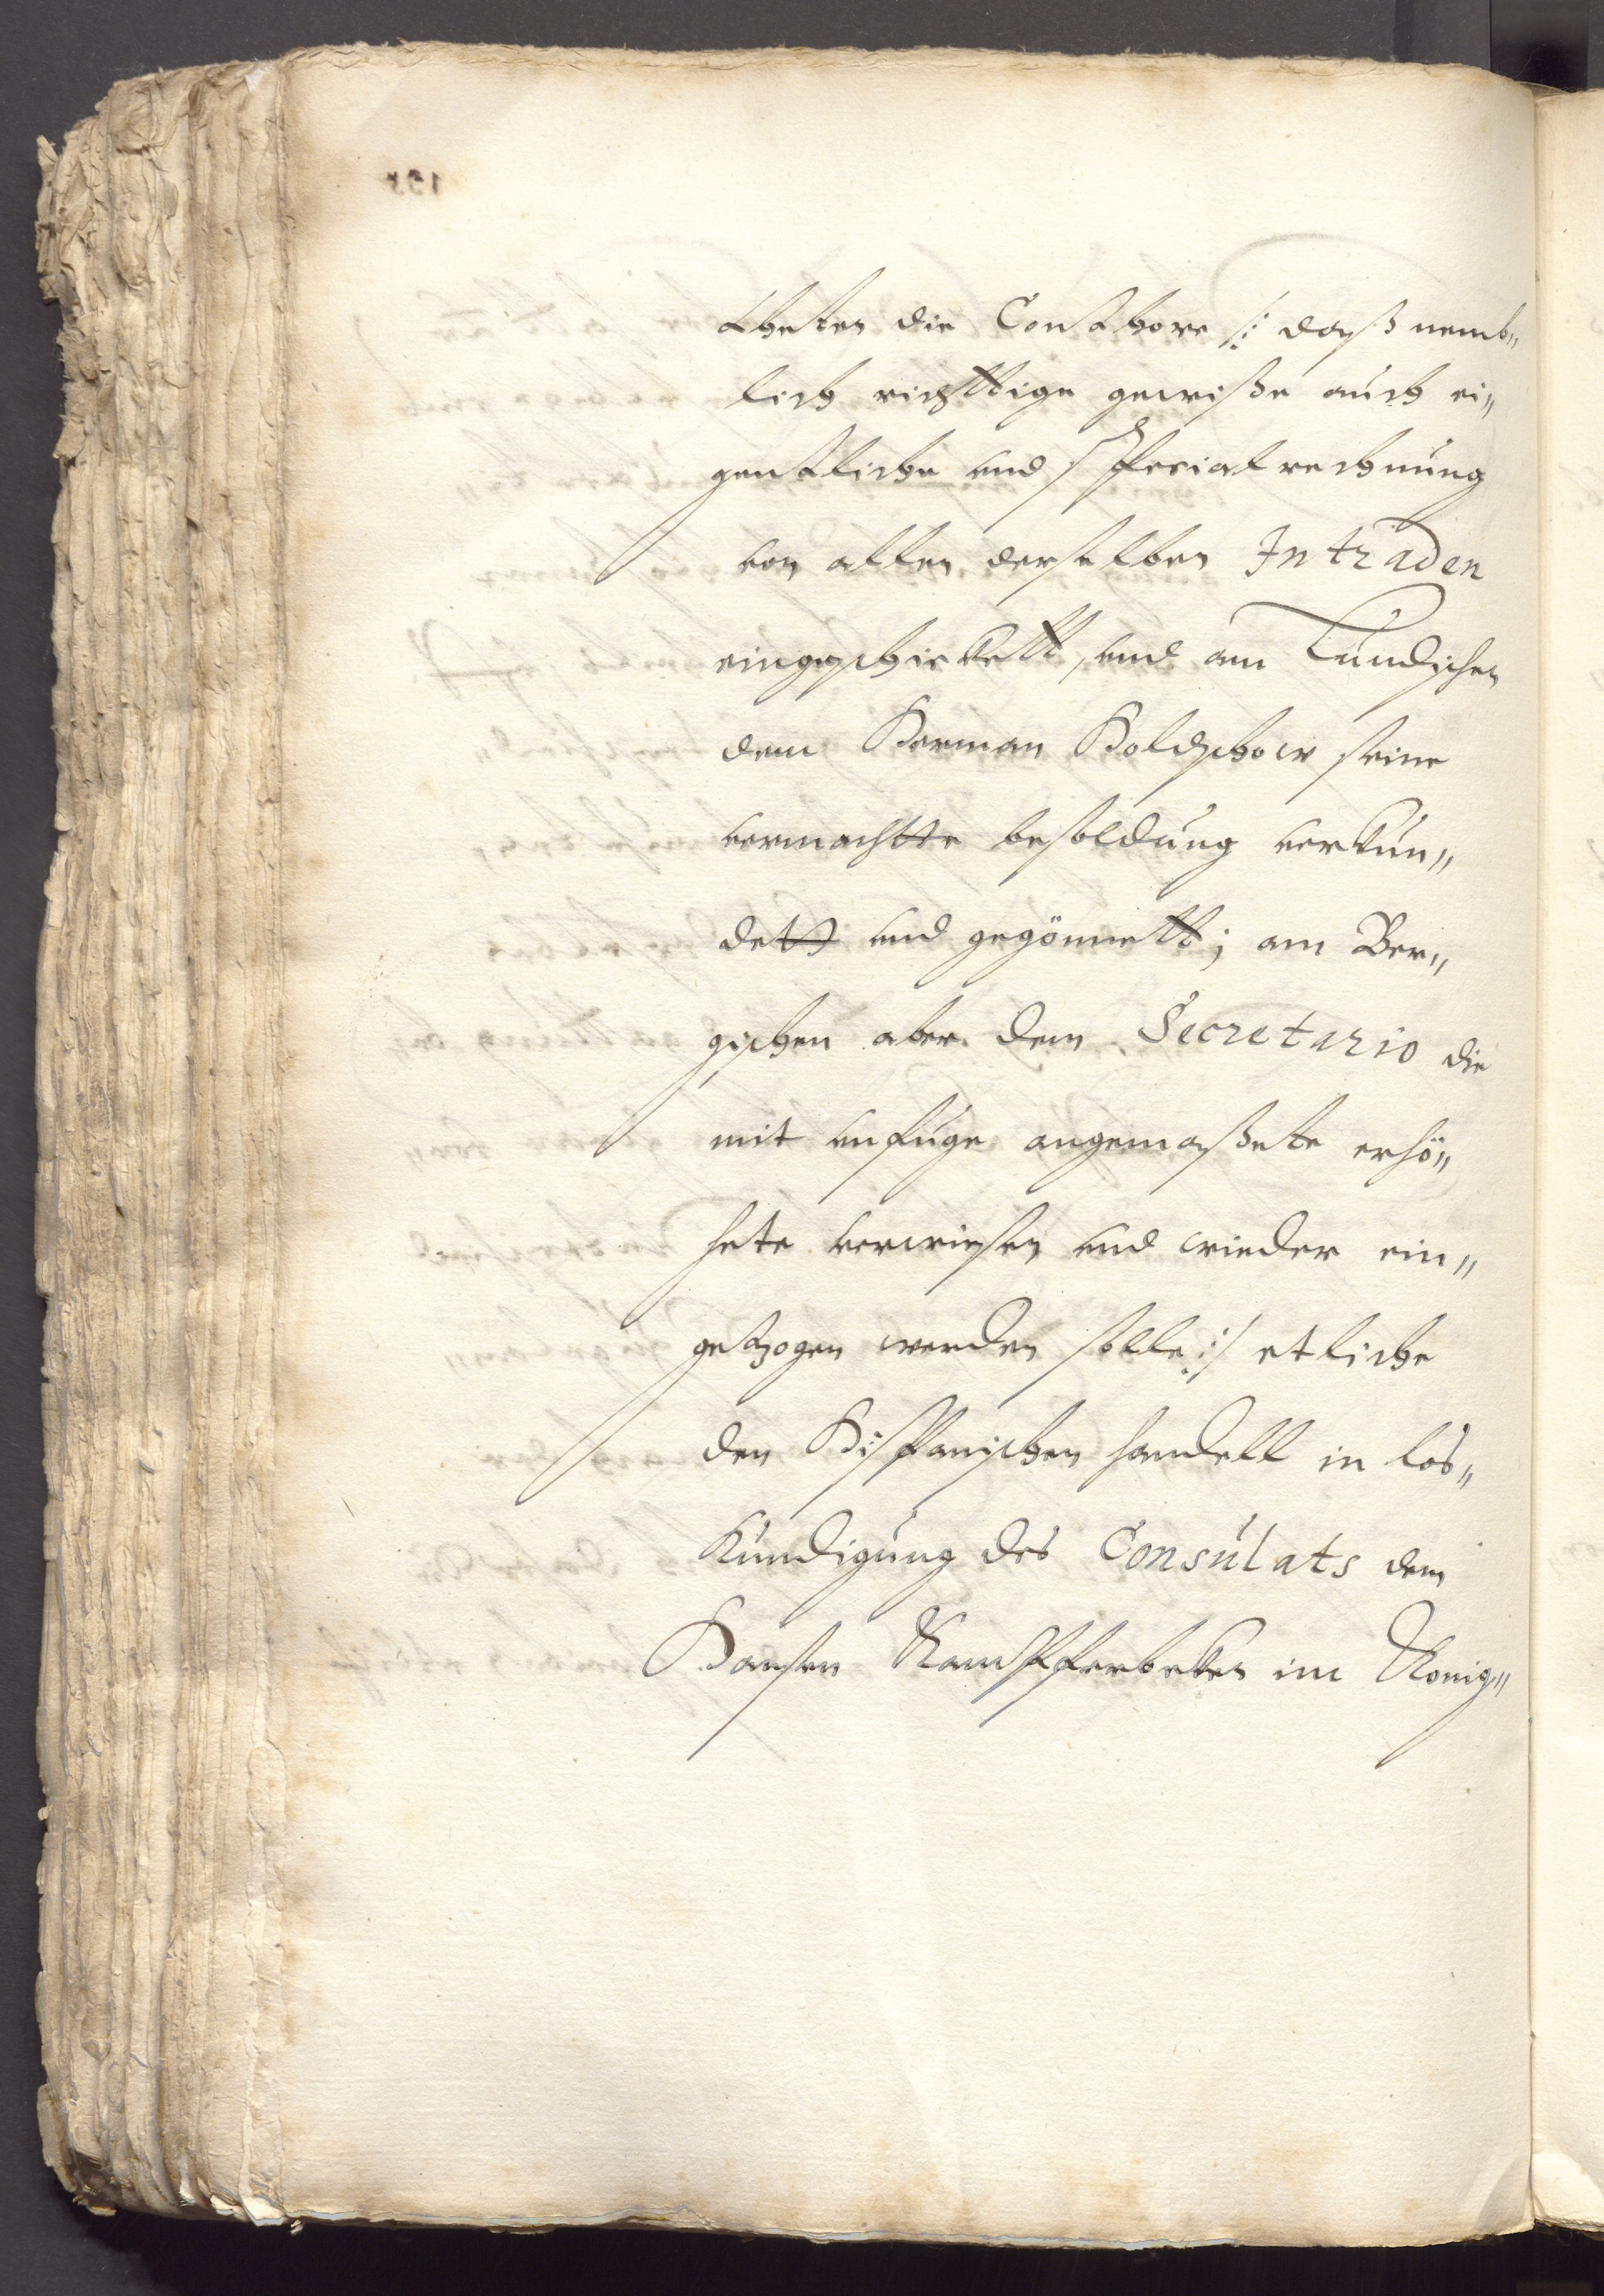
theten die Conthore |: daß nemb¬
lich richttige gewiße auch ei¬
gentliche vnd specialrechnung
von allen derselben Intraden
eingeschickett, vnd am Lundischen
dem Herman Holdschow seine
vormachtte besoldung verkun¬
dett vnd gegönnett; am Ber¬
gischen aber dem Secretario die
mit vnfuge angemaßete erhö¬
hete verwiesen vnd wieder ein¬
getzogen werden solle :|etliche
den Hispanischen handell in los¬
kundigung der Consulats dem
Hansen Kampferbeken im Konig¬
